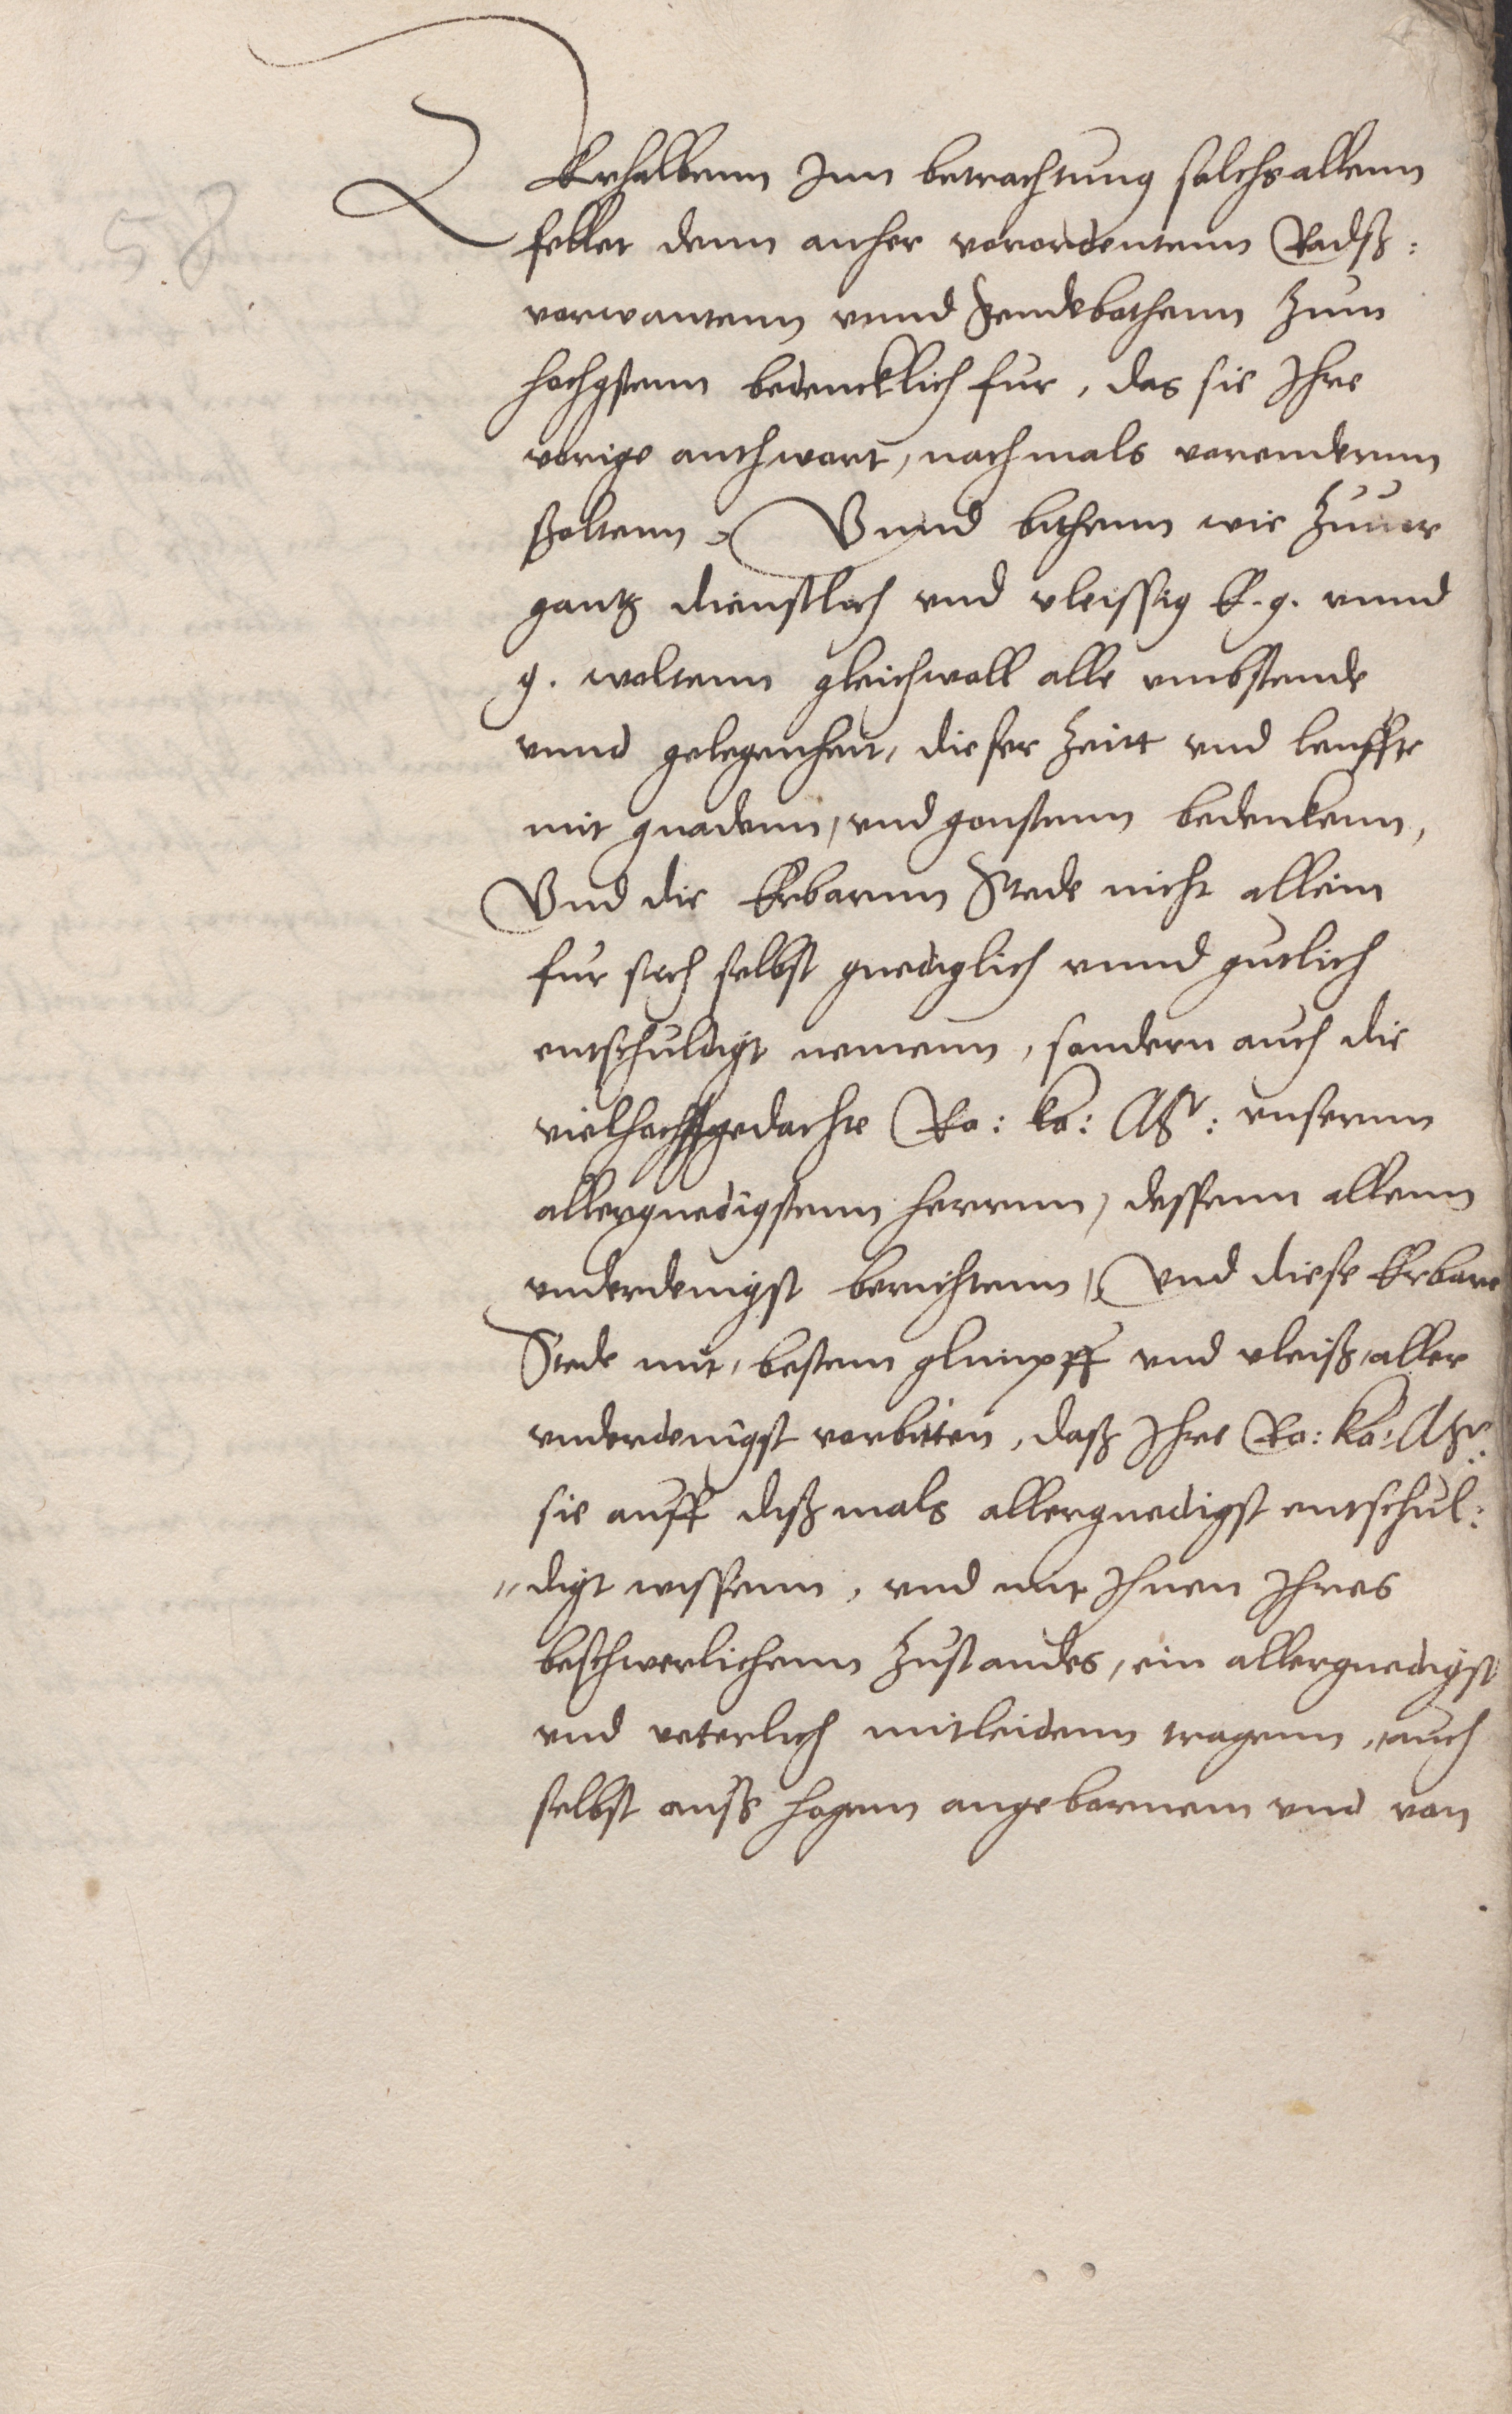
Derhalbenn jnn betrachtung solchs allenn
fellet denn anher vorordentenn Radß¬
vorwantenn vnnd Sendebothenn zum
hochgstenn bedencklich fur, das sie jhre
vorige anthwort, nochmals vorendernn
ßoltenn, Vnnd bithenn wie zuuor
gantz dienstlich vnd vleissig E. g. vnnd
g. woltenn gleichwoll alle vmbstende
vnnd gelegenheit, dieser zeitt vnd leuffte
mit gnadenn, vnd gonstenn bedenkenn,
Vnd die Erbarnn Stede nicht allein
fur sich selbst gnediglich vnnd gutlich
entschuldigt nemenn, sondern auch die
vielhochstgedachte Ro: Ko: Mt: vnsernn
allergnedigstenn herrnn, dessenn allenn
vnderdenigst berichtenn, Vnd diese Erbare
Stede mit, bestem glimpff vnd vleiß, aller
vnderdenigst vorbitten, daß jhre Ro: Ko: Mt:
sie auff dißmals allergnedigst entschul¬
digt wissenn, vnd mit jhnen jhres
beschwerlichenn zustandes, ein allergnedigst
vnd veterlich mitleidenn tragenn, auch
selbst auß hogenn angebornem vnd von
